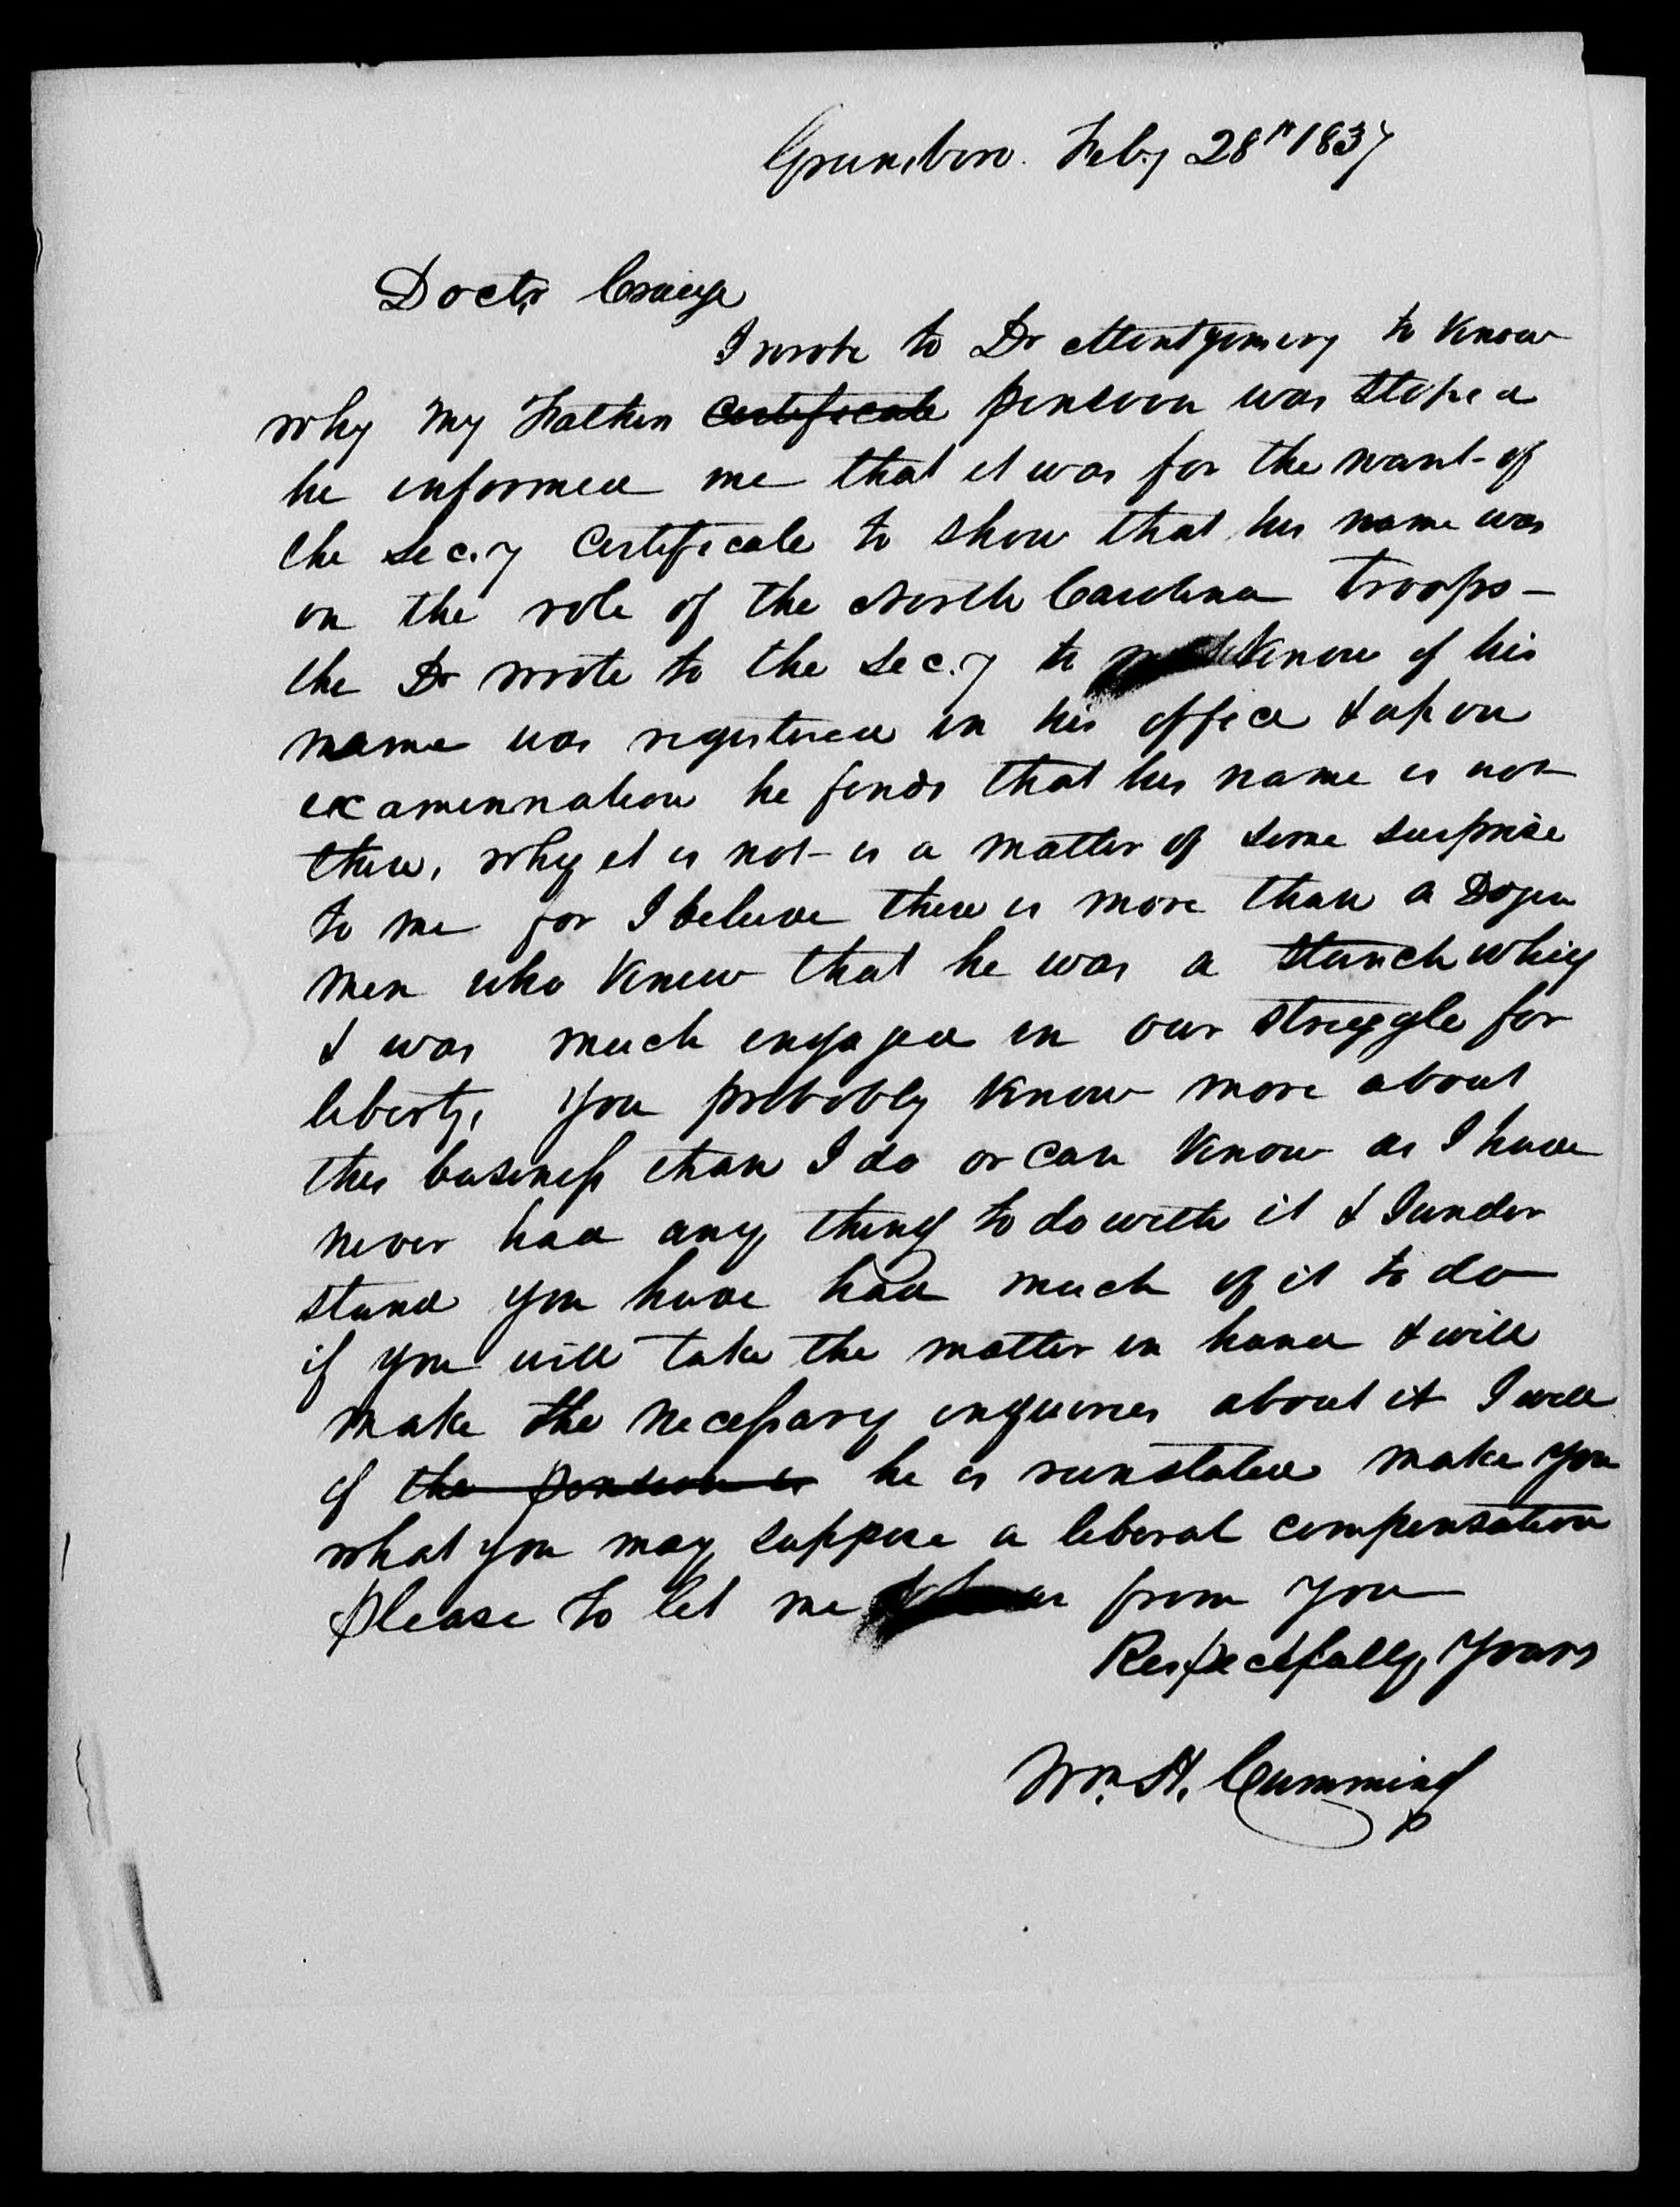[Handwritten letter.  Occasional spacing has been included to make the long text block easier to read.]

Greensboro. Feby 28th 1837

Doctr [or Doctor] Craig [or Craige]

I wrote to Dr Montgomery to Know why My Fathers [here the following word is stricken through:] Certificate pension was Stoped  he inform me that it was for the want of the Sec.ry [Secretary's] Certificate to show that his name was on the role [roll] of the North Carolina troops - 

the Dr wrote to the Sec.ry [Secretary] to [illegible, ink blot] Know if his Name was registered in his office and upon examinnation he finds that his name is not there, why it is not - is a Matter of Some Surprise to me for I believe there is More than a Dozen Men who Knew that he was a Stanch [staunch] whig and was Much engaged in our struggle for liberty;  

You probably Know more about the business than I do or can Know as I have never had any thing to do with it and I understand you have had much of it to do

if you will take the matter in hand and will Make the Necessary inquiries [enquiries] about it I will if [here the next three words are stricken through] the pension so [or is] he is reinstated make you what you Suppose a liberal compensation Please to [or do] let me [here there is an ink block, but the following word appears to be:] hear from you

Respectfully Yours

Wm. H. Cumming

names: Wrote, S Junder, Montgomery, Wm H Cummings, Falken, Craige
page: 83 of 145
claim: survivor's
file: S. 8265, William Cumming, N.C.